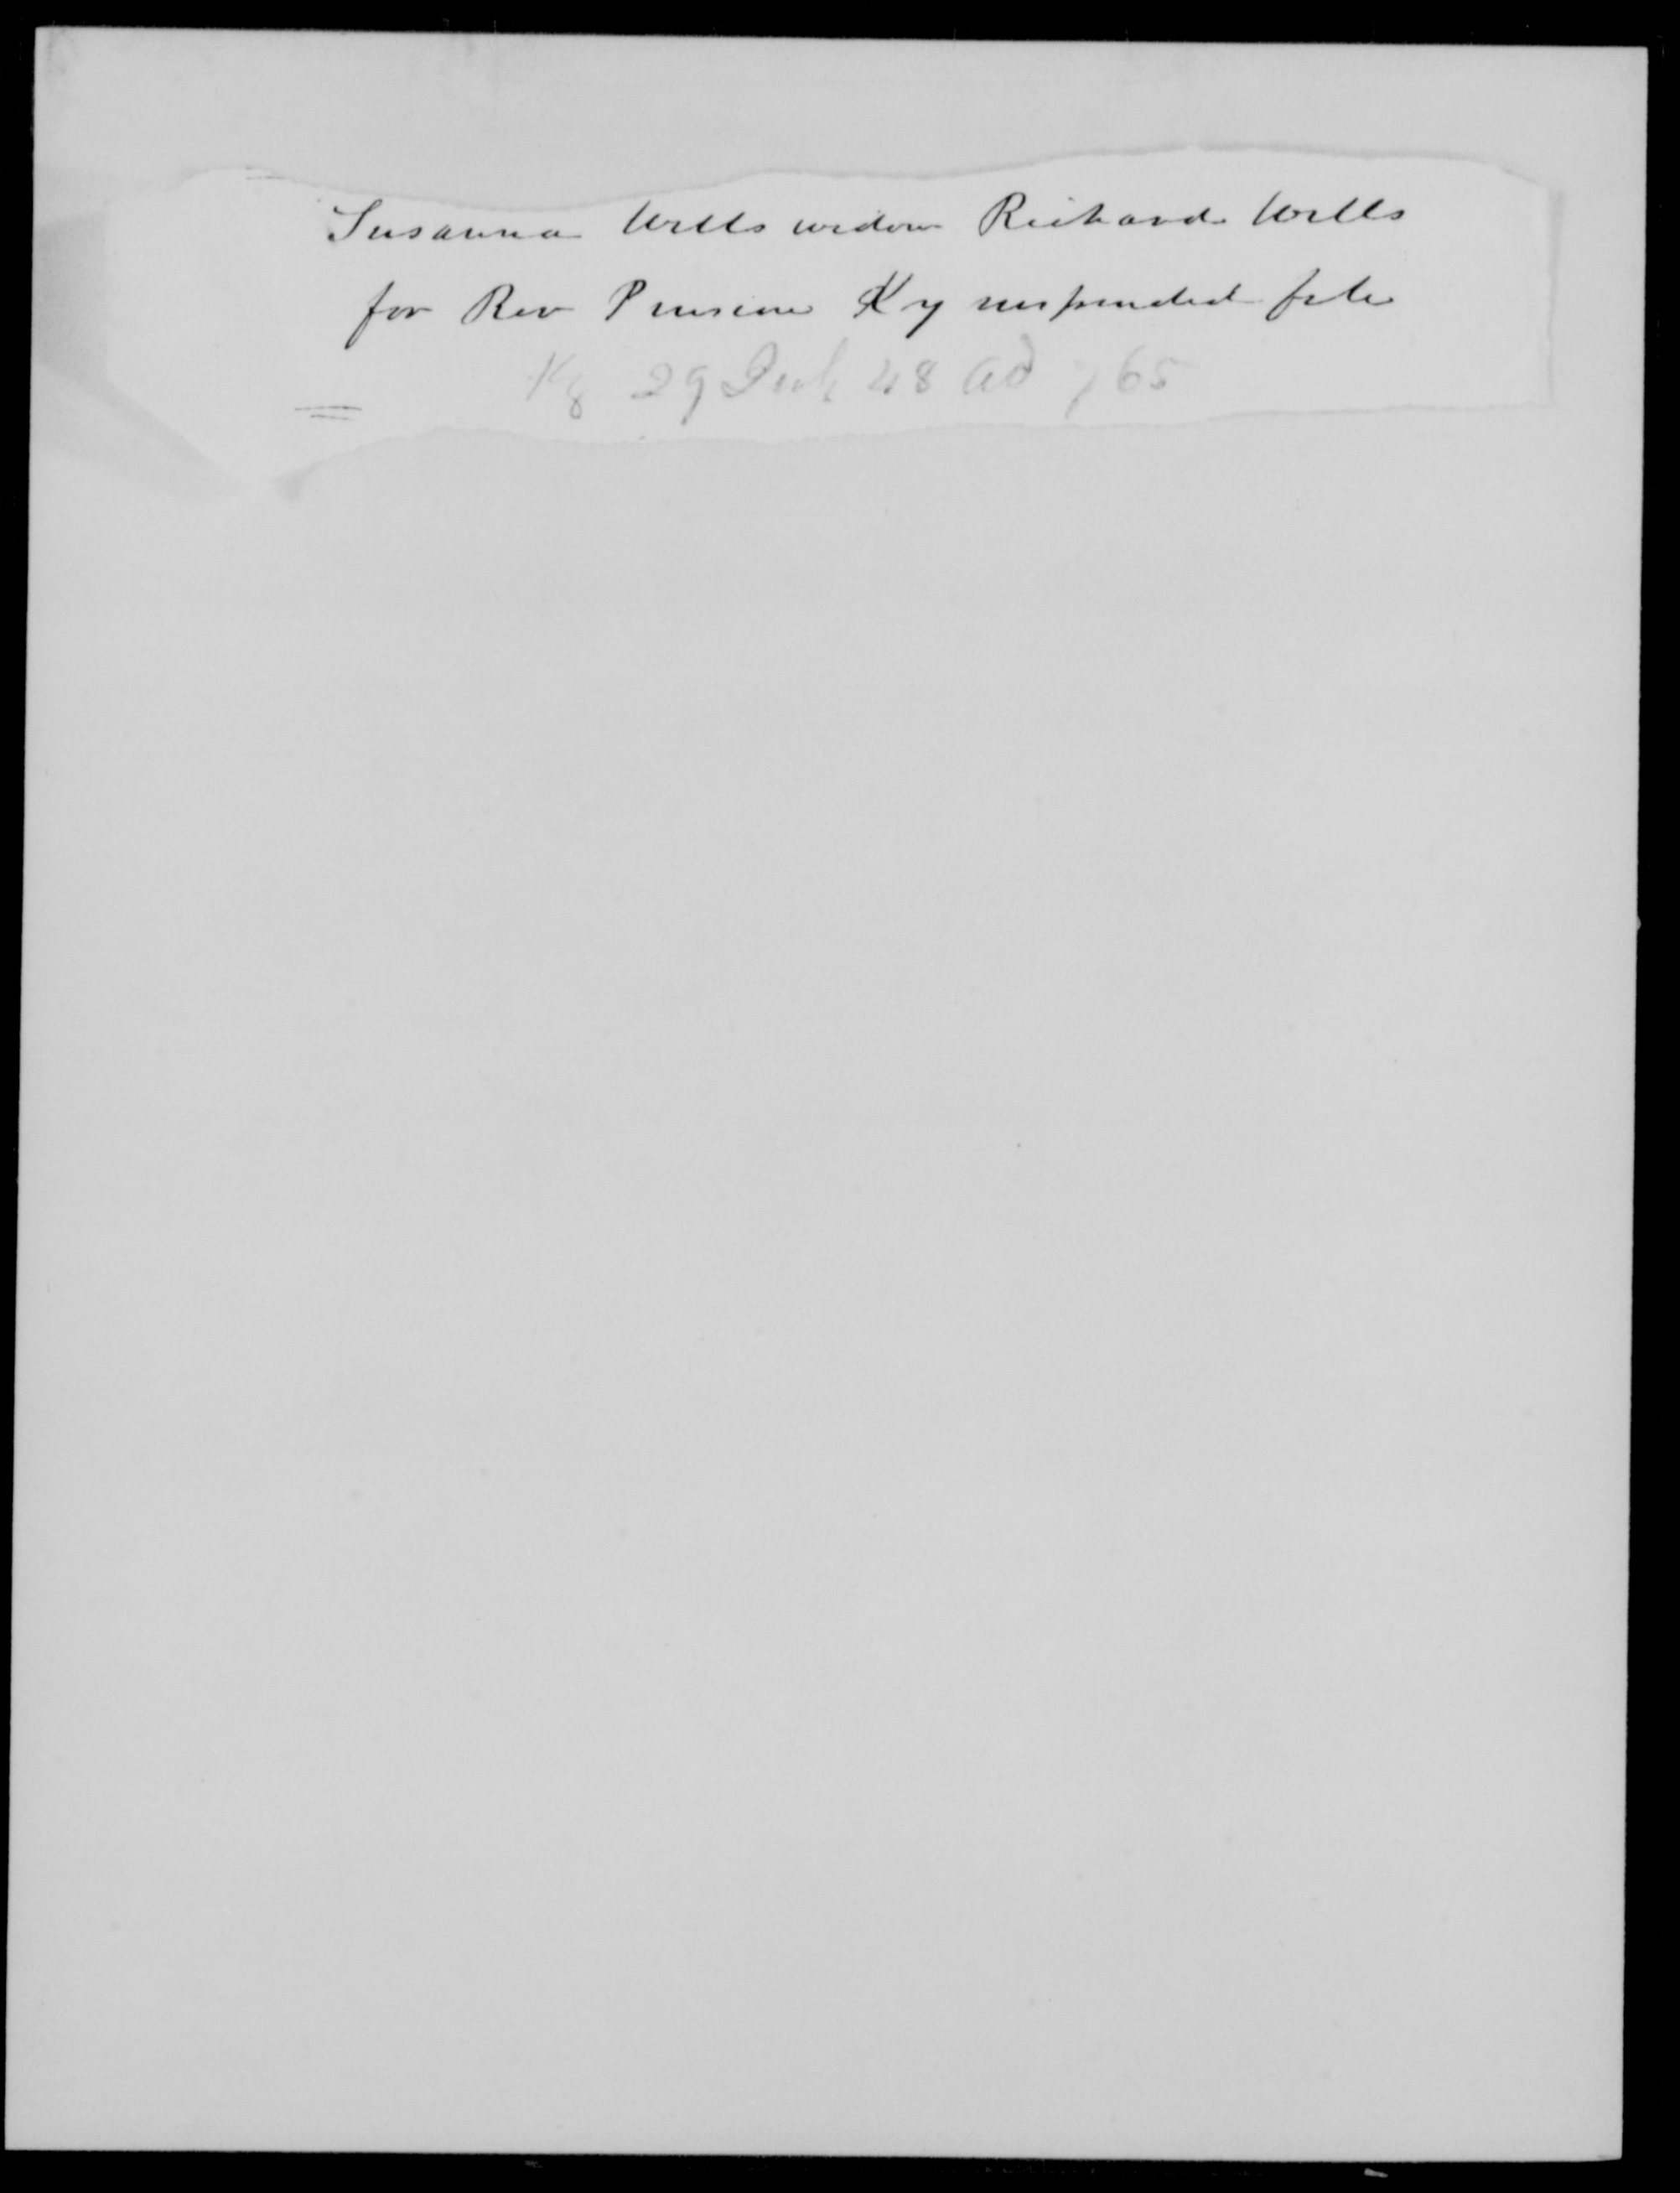Susanna Wells widow Richard Wells
for Rev Pension Ky suspended file
Ky 29 July 48 ad 765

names: Susanna Wells, Richard Wells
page: 52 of 100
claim: widow's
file: W. 6437, Richard Wells, Ga Va.